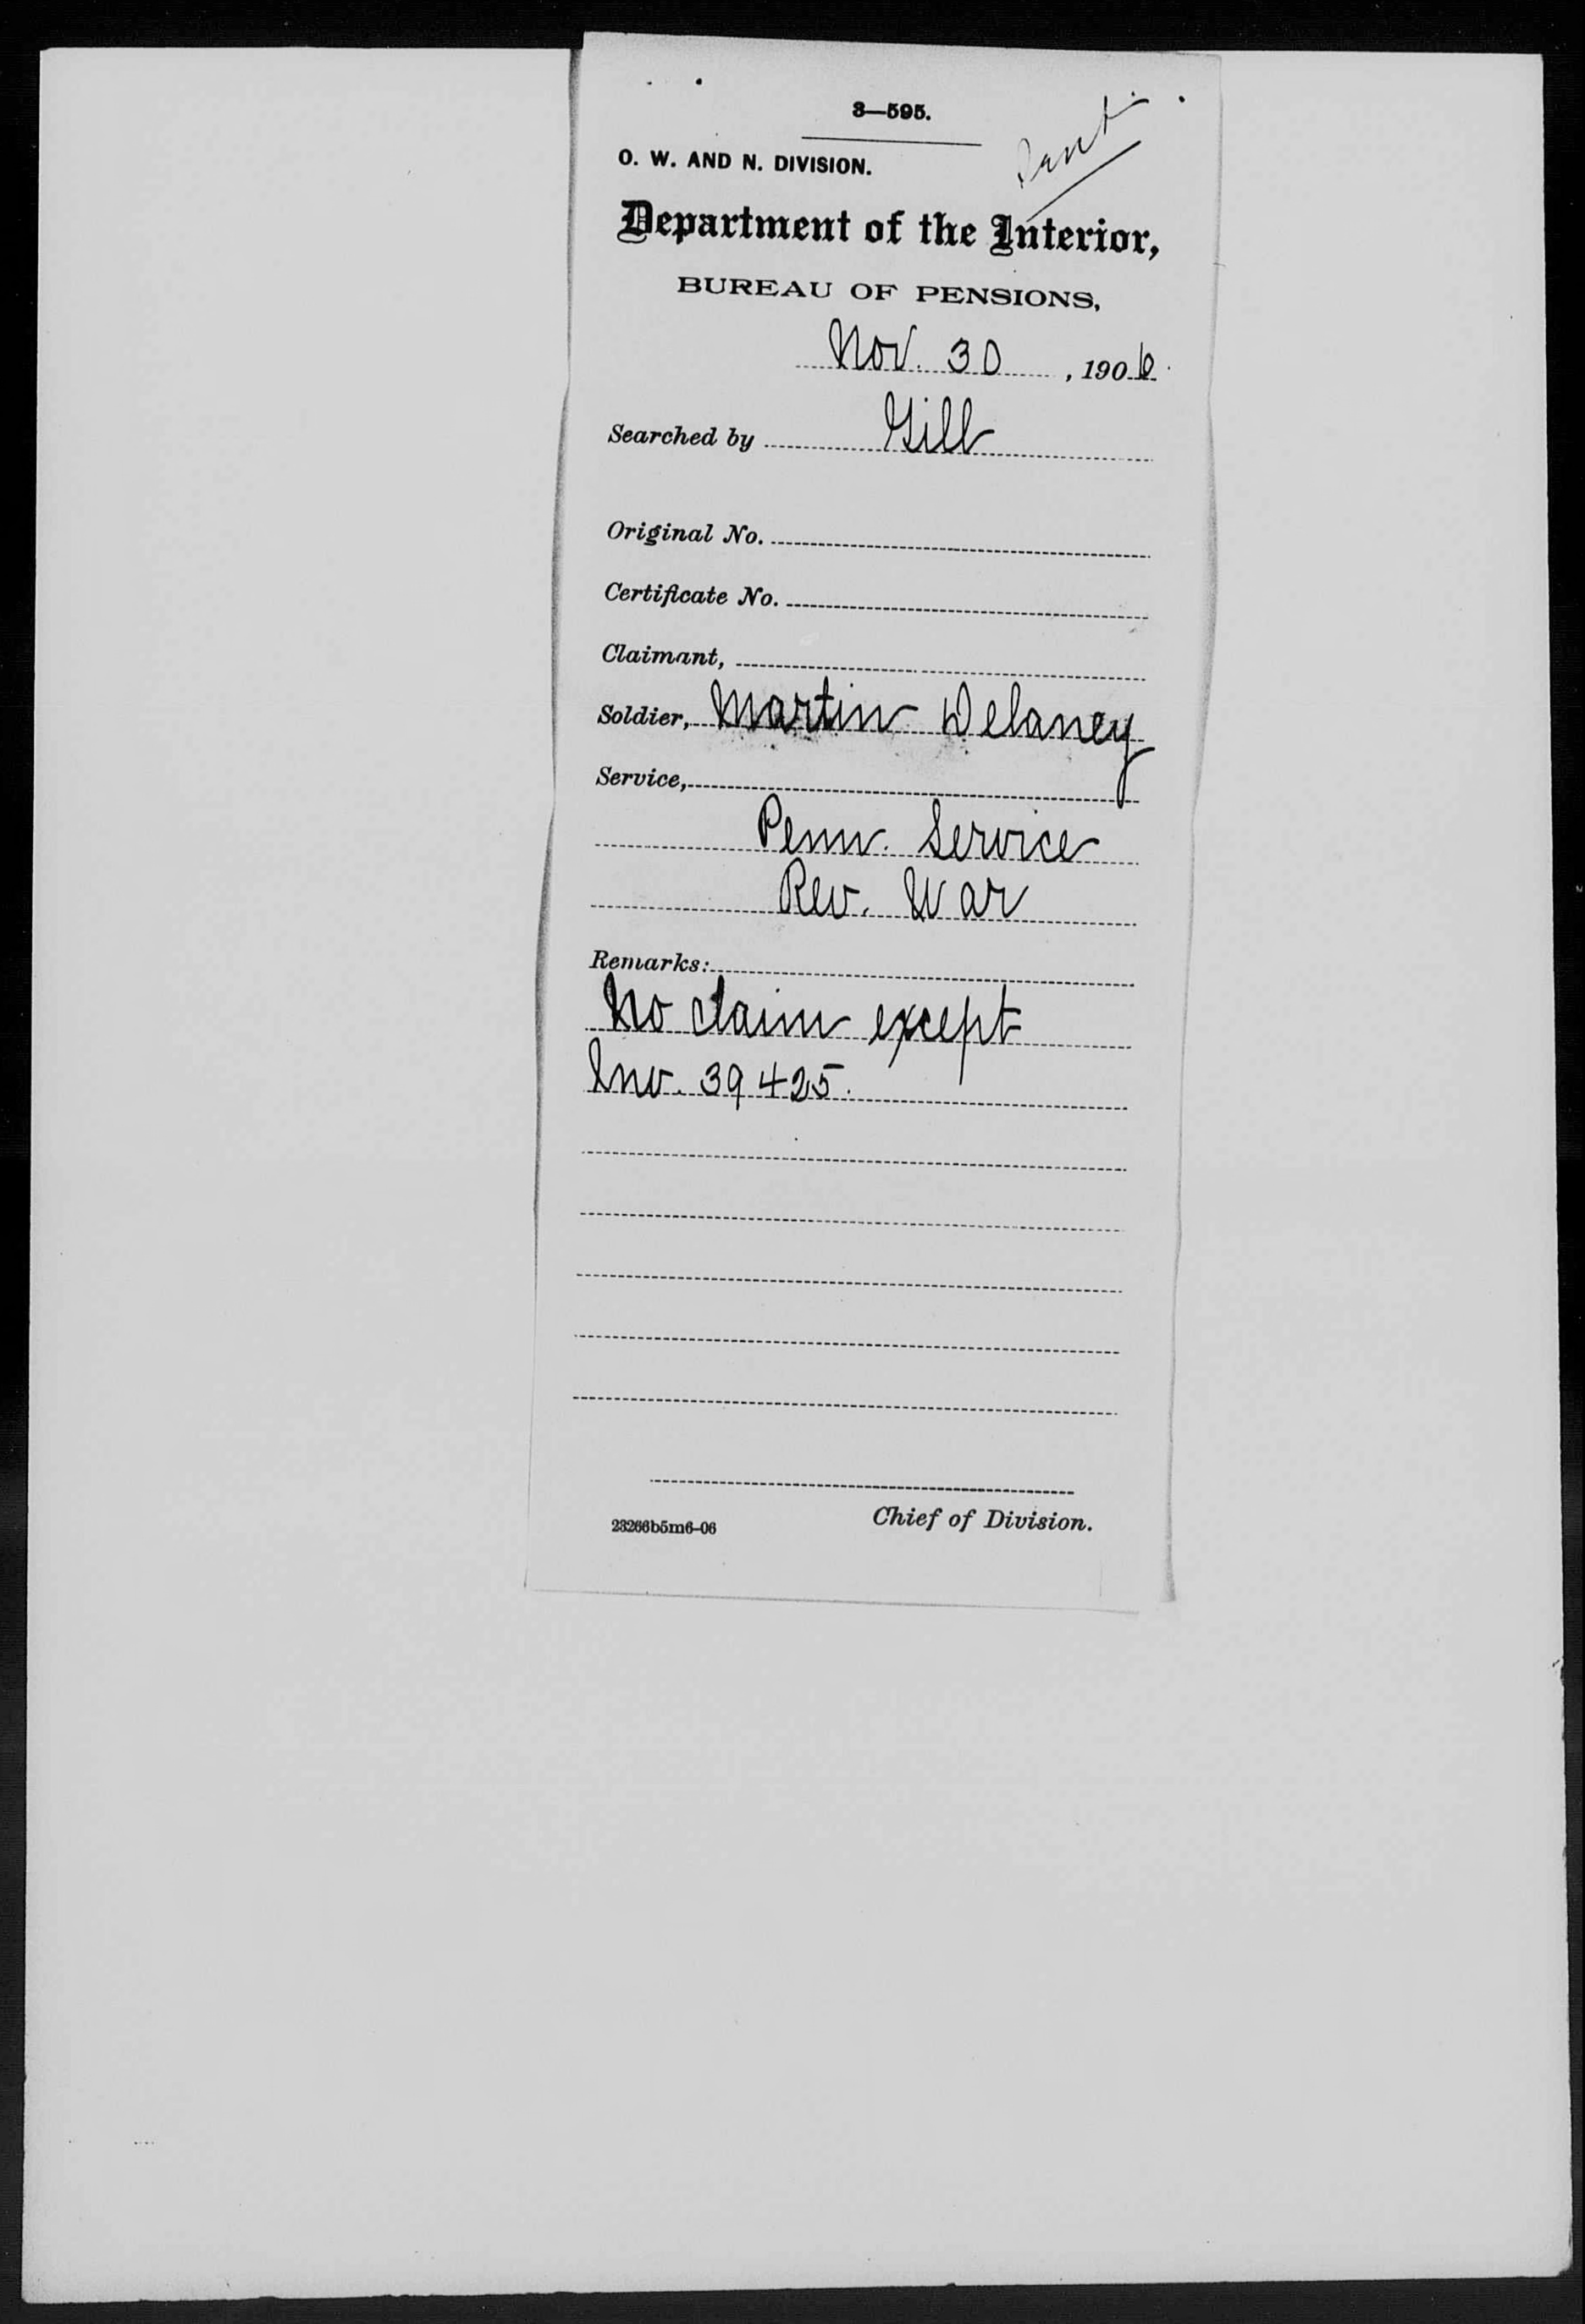8 -- 595.
O. W. AND N. DIVISION.
Part
Department of the Interior,
BUREAU OF PENSIONS.
Nov. 30, 1906
Searched by Gill
Original No.
Certificate No.
Claimant.
Soldier, Martin Delaney
Service,
Penn. Service
Rev. War
Remarks:
no claim except
No 39425

28206 656 - 06
Chief of Division.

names: Martin Delaney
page: 21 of 22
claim: survivor's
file: S. 3,9425, Martin Delany, Penn.